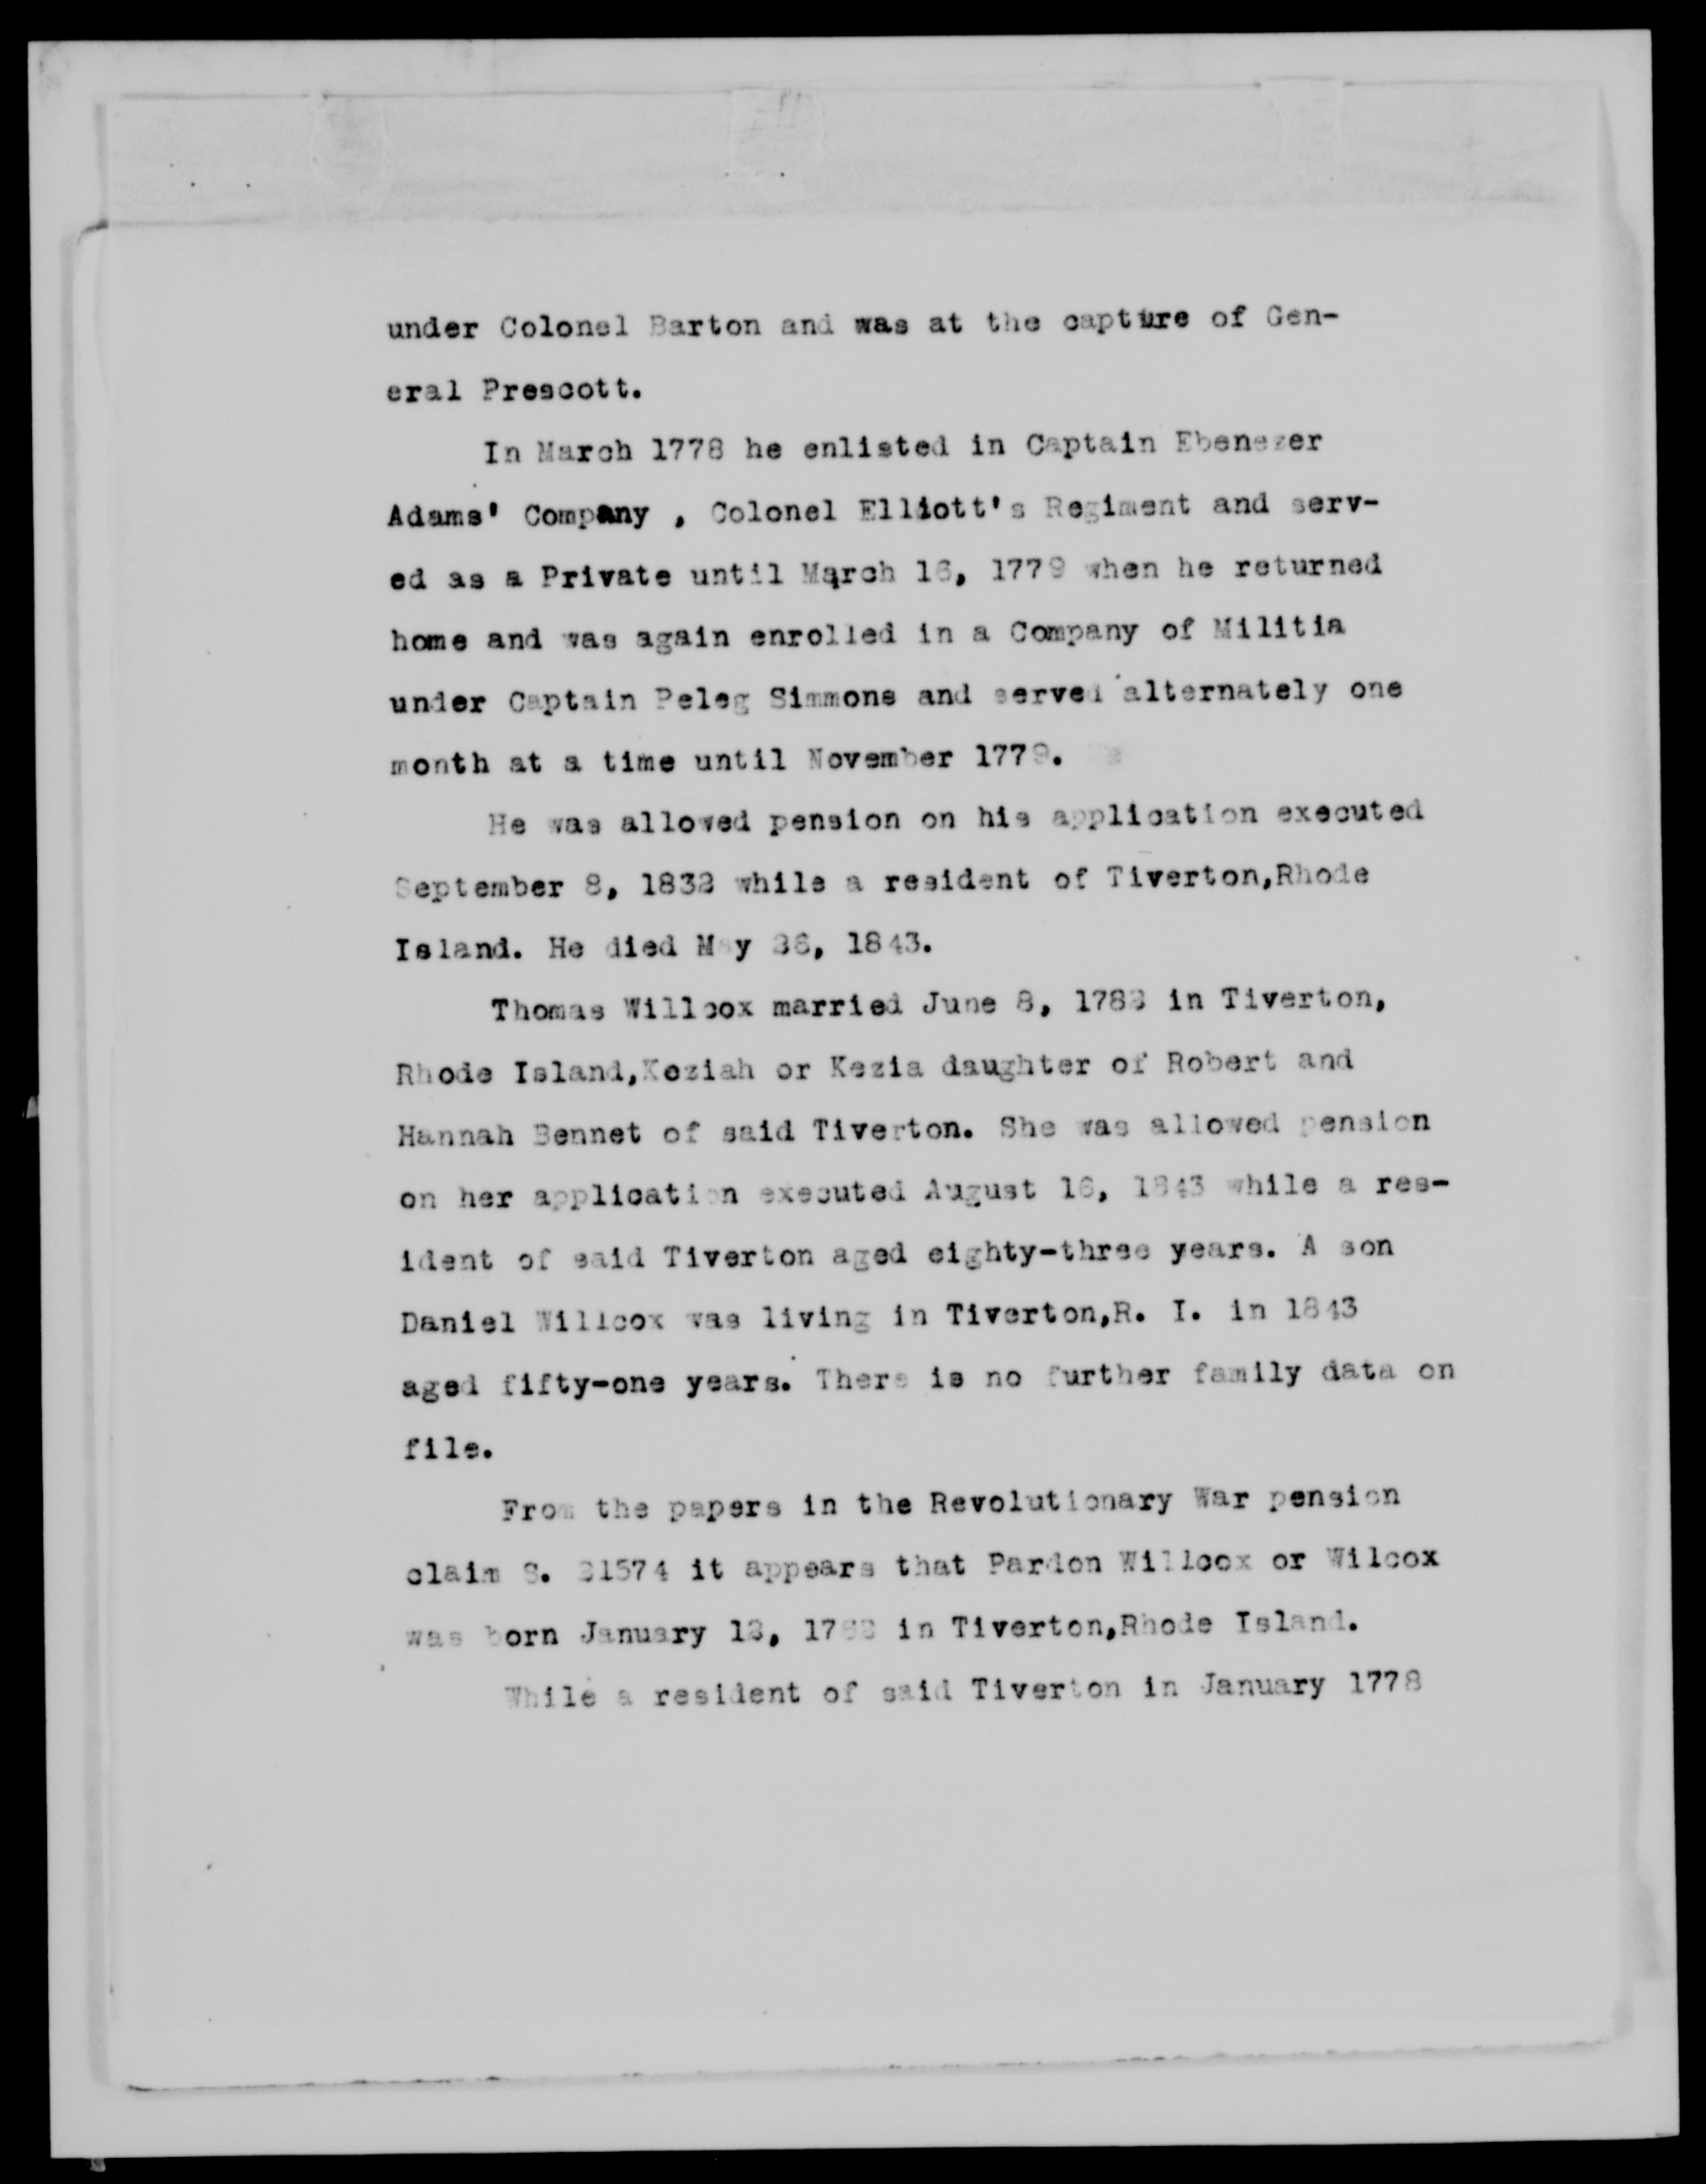under Colonel Barton and was at the capture of General
Prescott.
In March 1778 he enlisted in Captain Ebenezer
Adams' Company, Colonel Elliott's Regiment and served
as a Private until March 18, 1779 when he returned
home and was again enrolled in a Company of Militia
under Captain Peleg Simmons and served alternately one
month at a time until November 1779.
He was allowed pension on his application executed
September 8, 1832 while a resident of Tiverton, Rhode
Island. He died May 38, 1843.
Thomas Willcox married June 8, 1783 in Tiverton,
Rhode Island, Keziah or Kezia daughter of Robert and
Hannah Bennet of said Tiverton. She was allowed pension
on her application executed August 16, 1843 while a resident
of said Tiverton aged eighty-three years. A son
Daniel Willcox was living in Tiverton, R. I. in 1843
aged fifty-one years. There is no further family data on
file.
From the papers in the Revolutionary War pension
claim S. 21574 it appears that Pardon Willcox or Wilcox
was born January 12, 1762 in Tiverton, Rhode Island.
While a resident of said Tiverton in January 1778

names: Robert Bennet, Pardon Wilcox, Peleg Simmons, Daniel Willcox, Hannah Bennet, Keziah, Prescott, Kezia, Thomas Willcox, Barton, Pardon Willcox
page: 24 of 39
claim: widow's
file: W. 26046, Thomas Willcox, R.I.